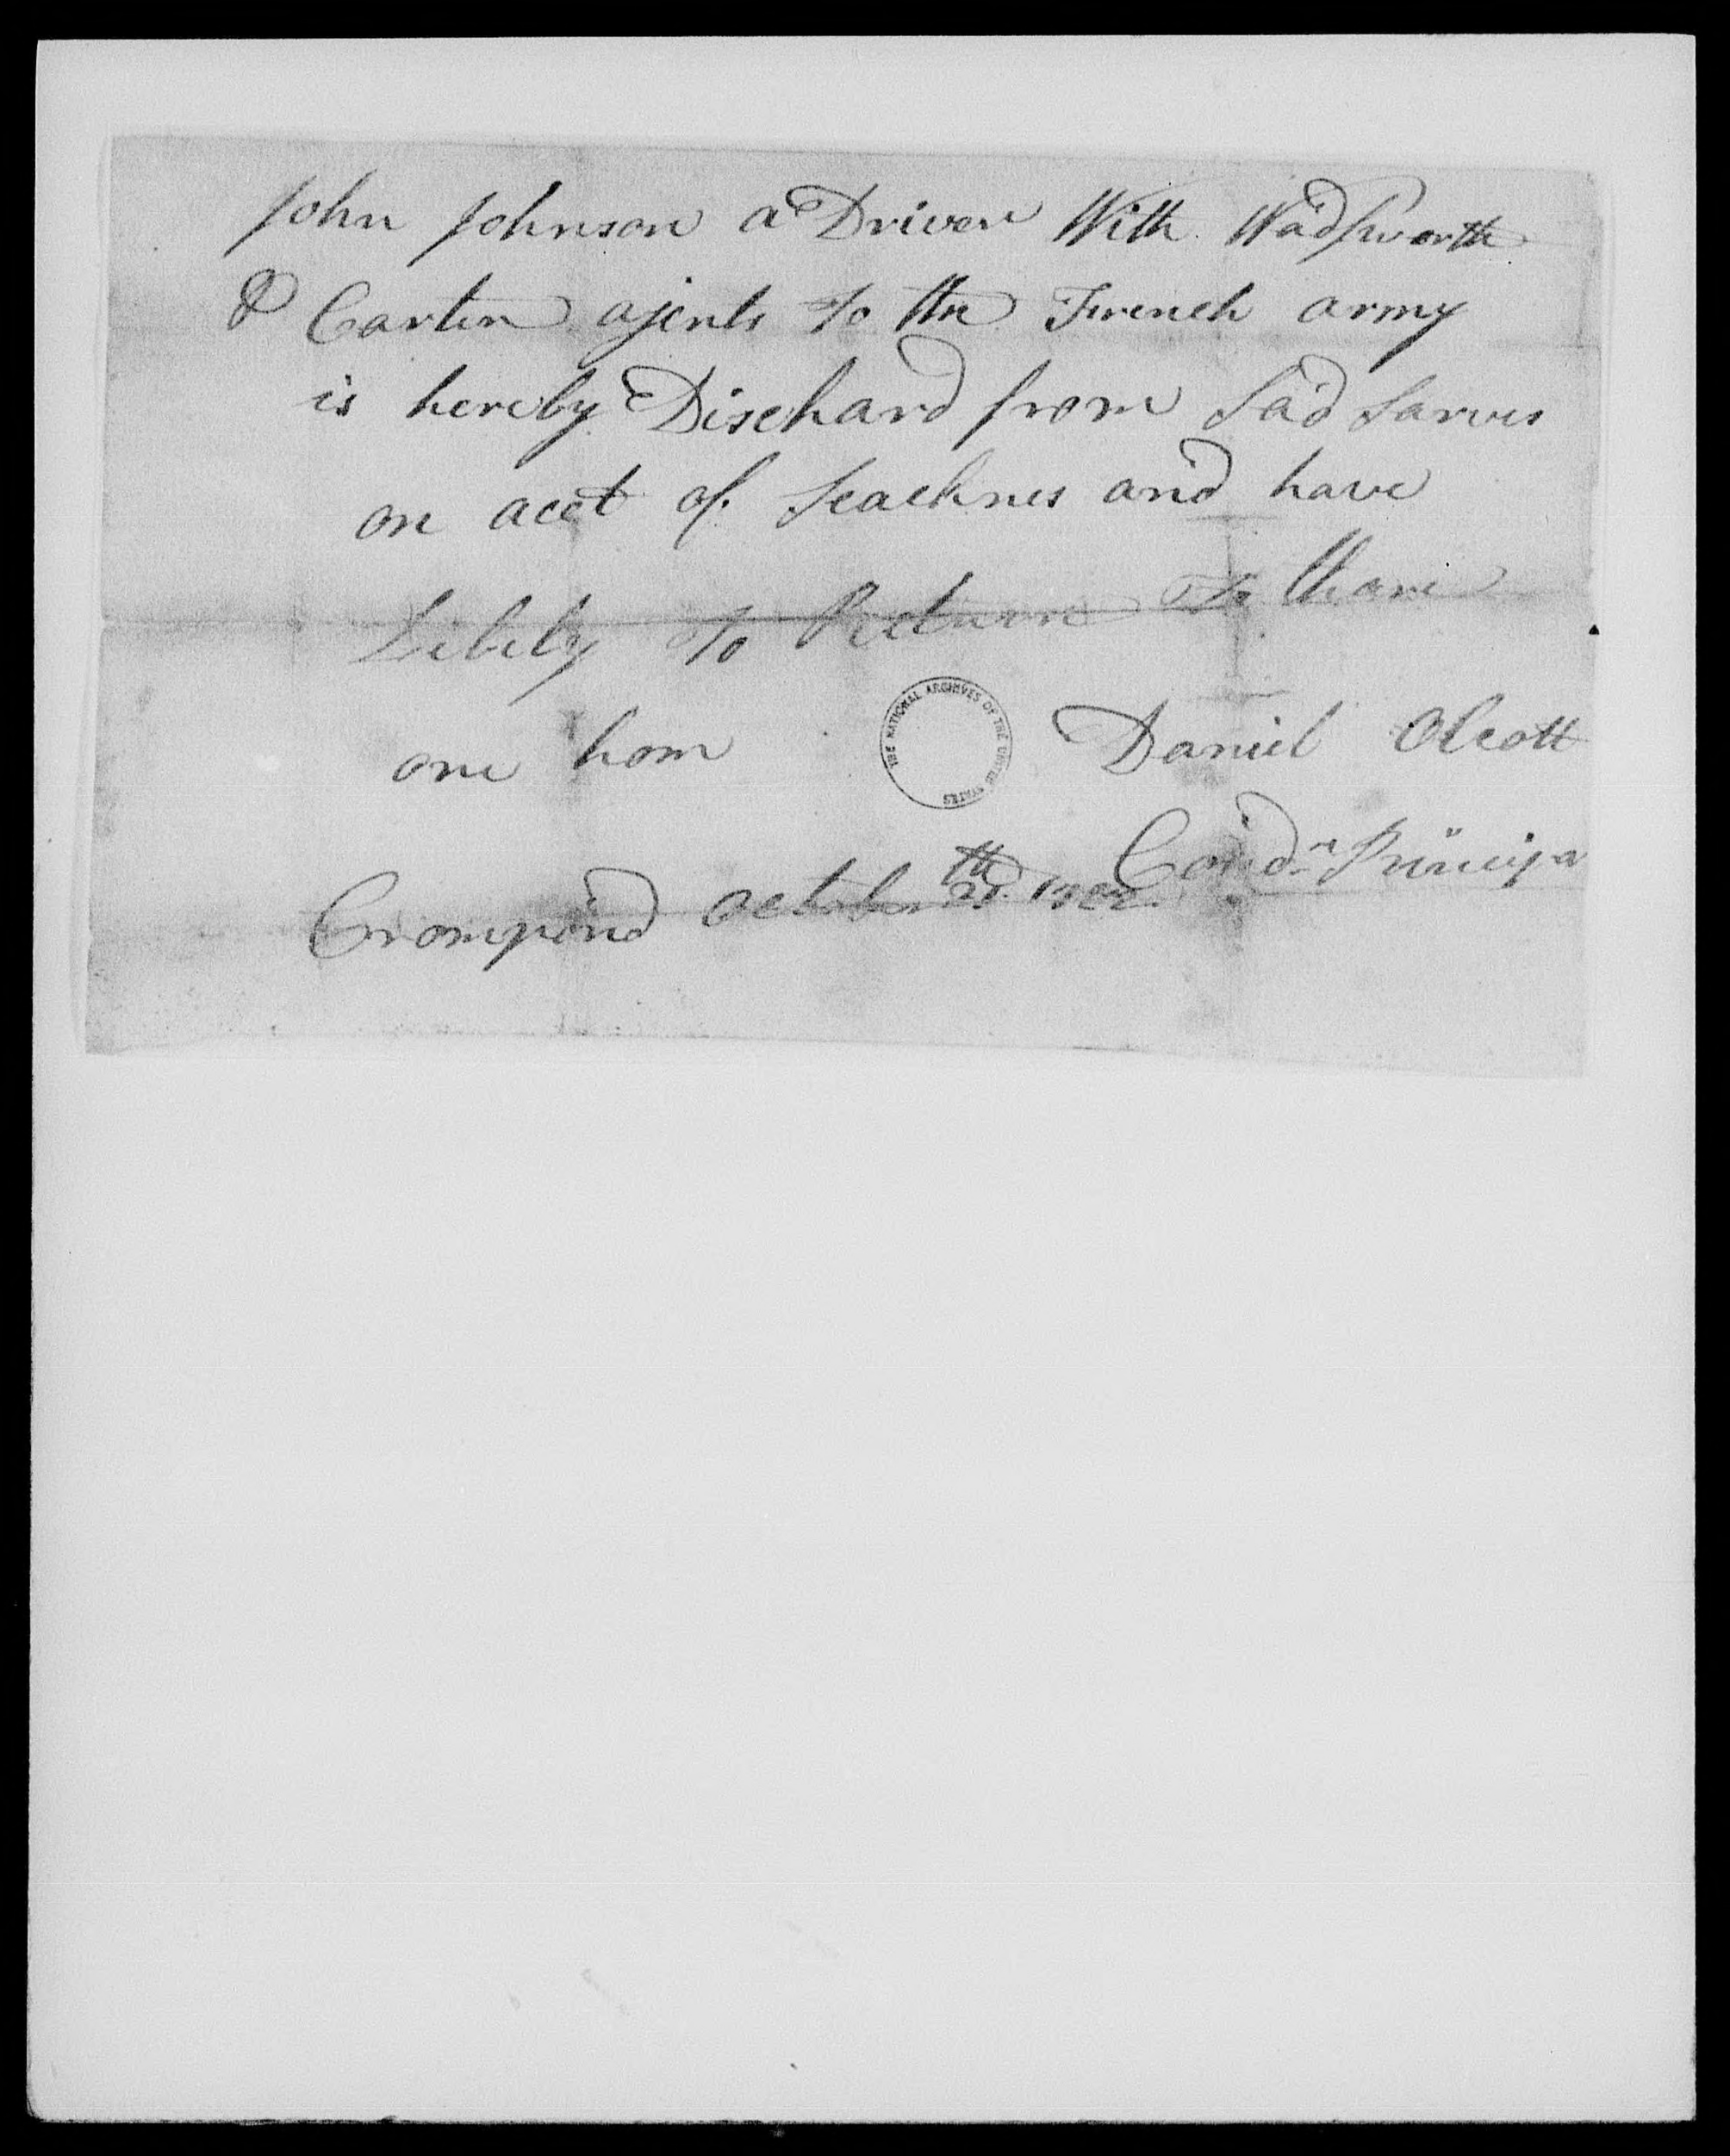John Johnson a Driver with Wadsworth and Carter agents to the French army is hereby Dischard from said serves on acct of seacknes [sickness] and have [illegible] to Return to [illegible]

[signature] Daniel Alcott
Crompond October 21 1782 [illegible]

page: 11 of 16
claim: rejected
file: R. 5634, for John Johnson, Virginia